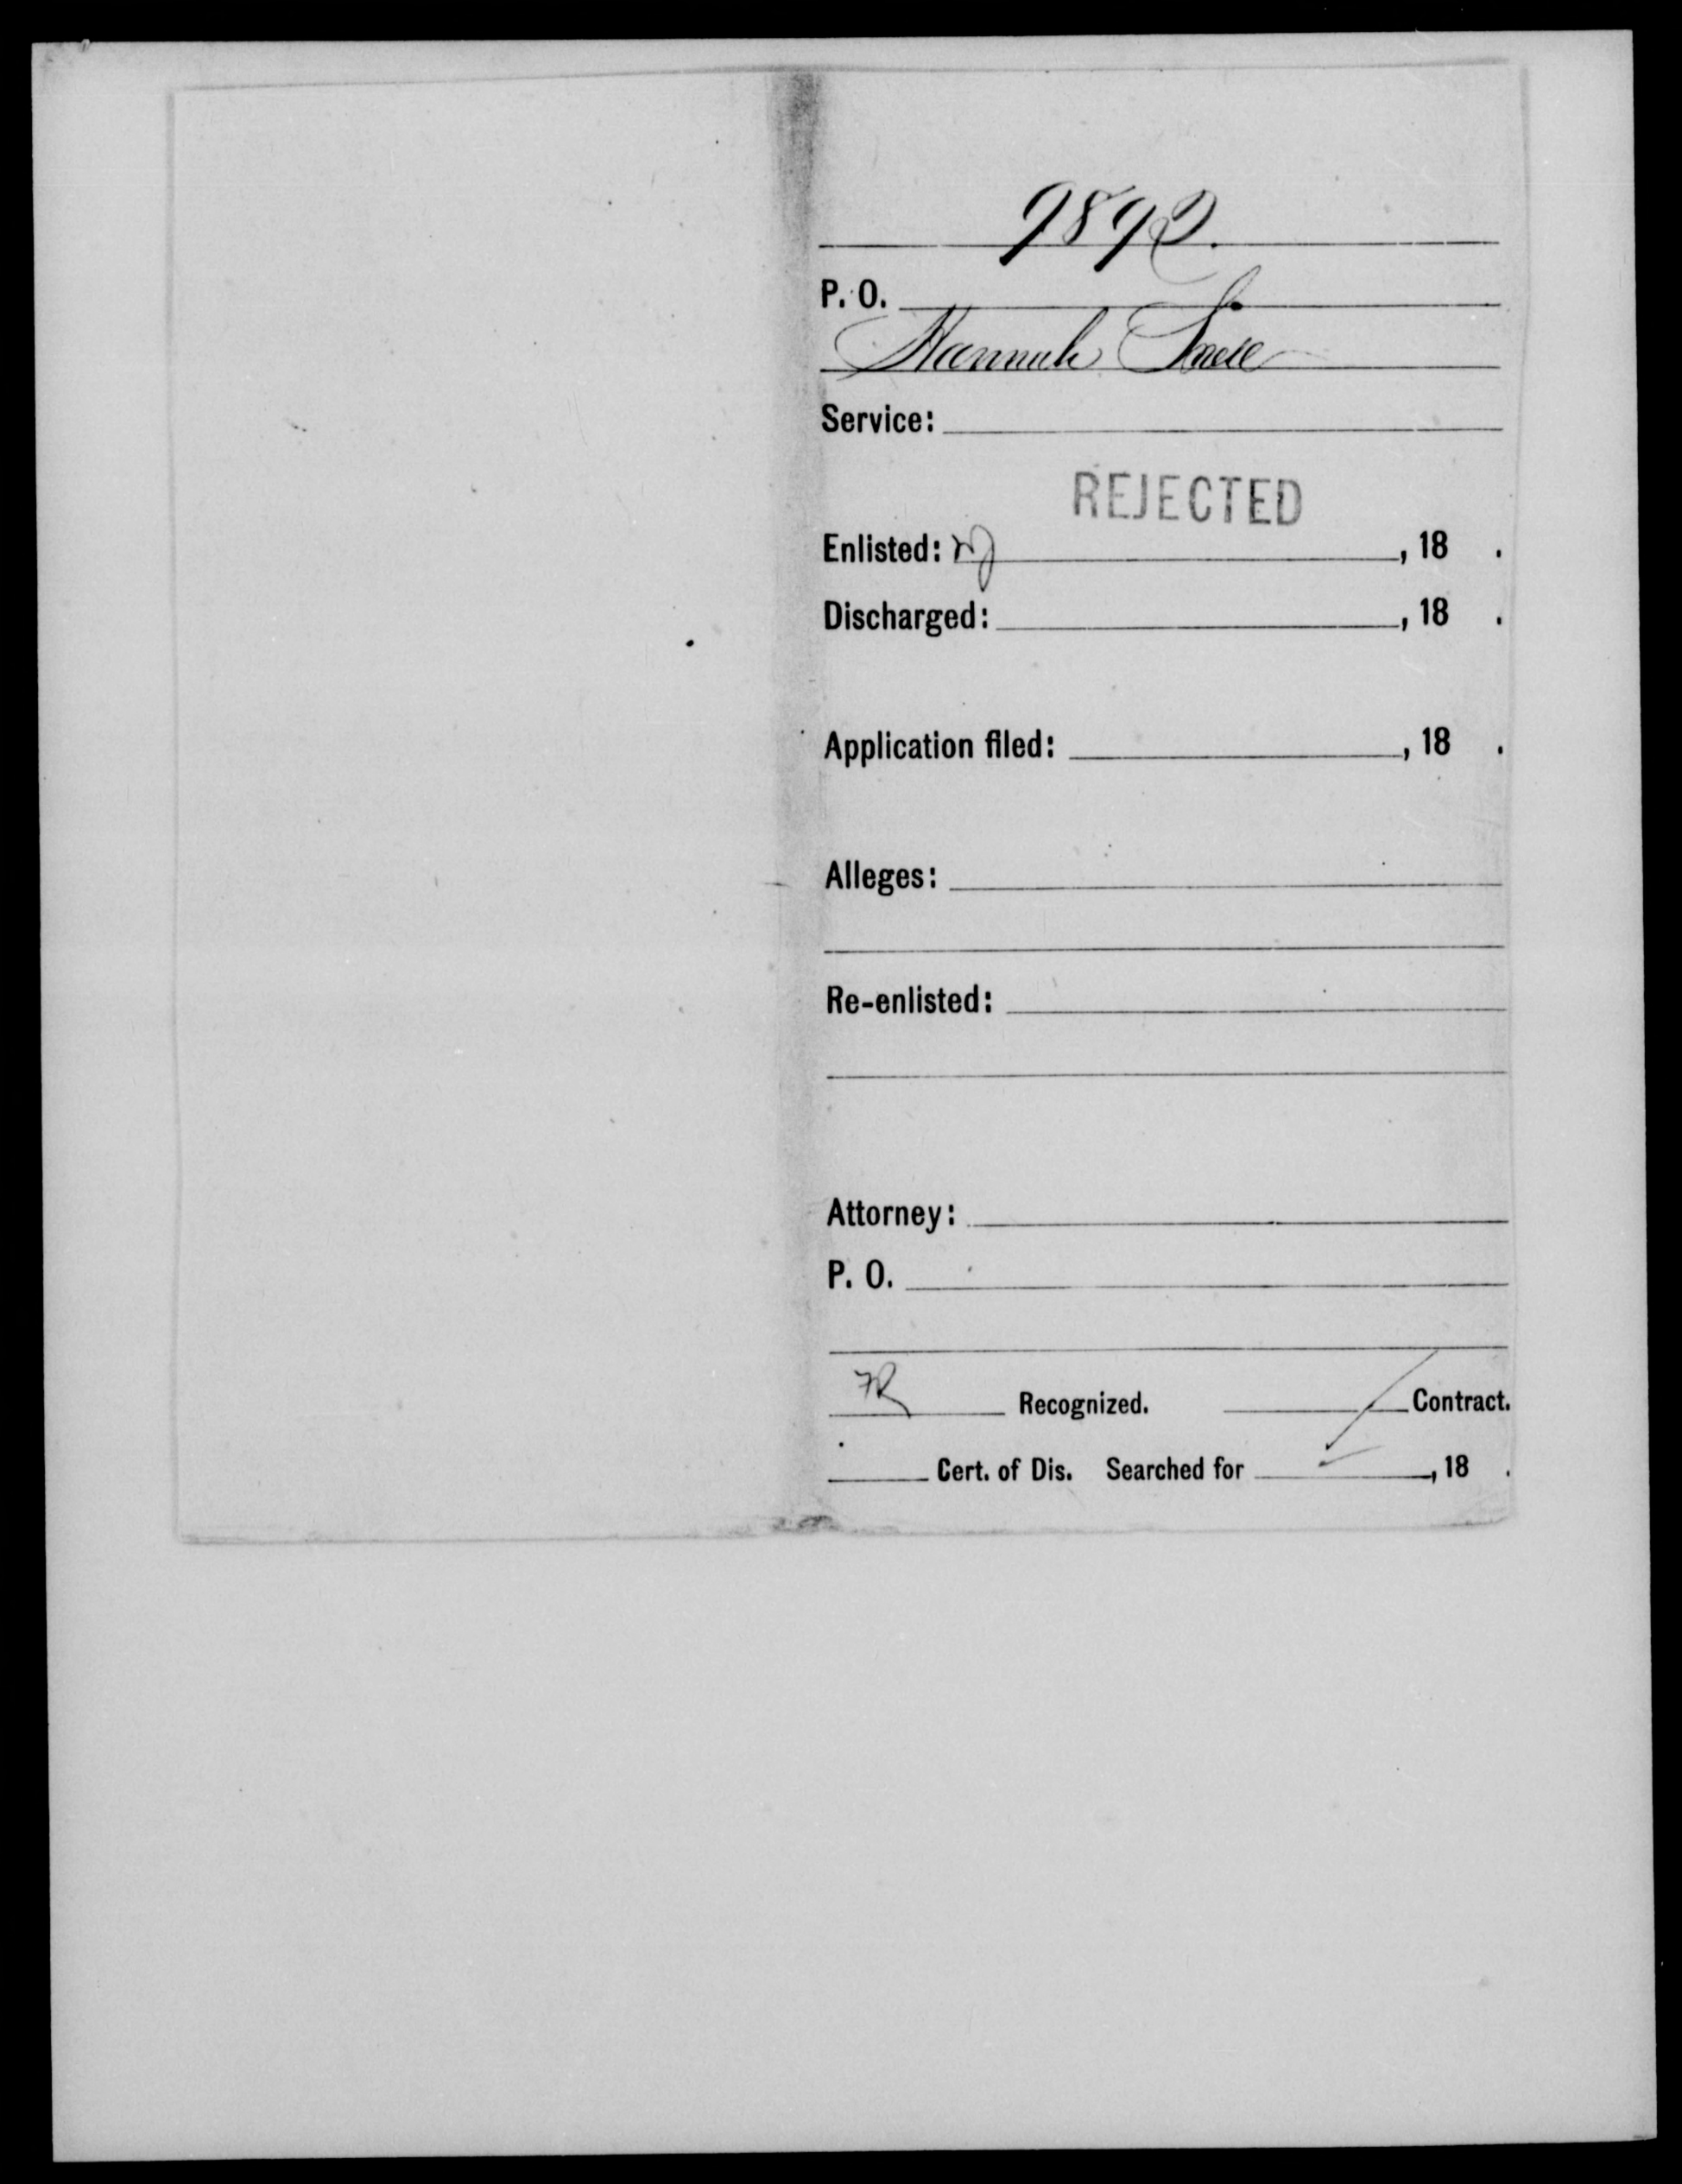9892
P.O.
Hannah Snell

Enlisted: _____, 18
[stamped] Rejected

Discharged:  ____, 18

Application filed: _____, 18

Alleges: _____
_____________
Re-enlisted: _____
_____________

Attorney: _____
P.O. _________
_____________
[initials FR]  Recognized.   ______ Contract.
______Cert of Dis.   Searched for _____, 18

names: Hannah Snell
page: 27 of 27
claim: rejected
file: R. 9,892, for Henry Snell, New Jersey